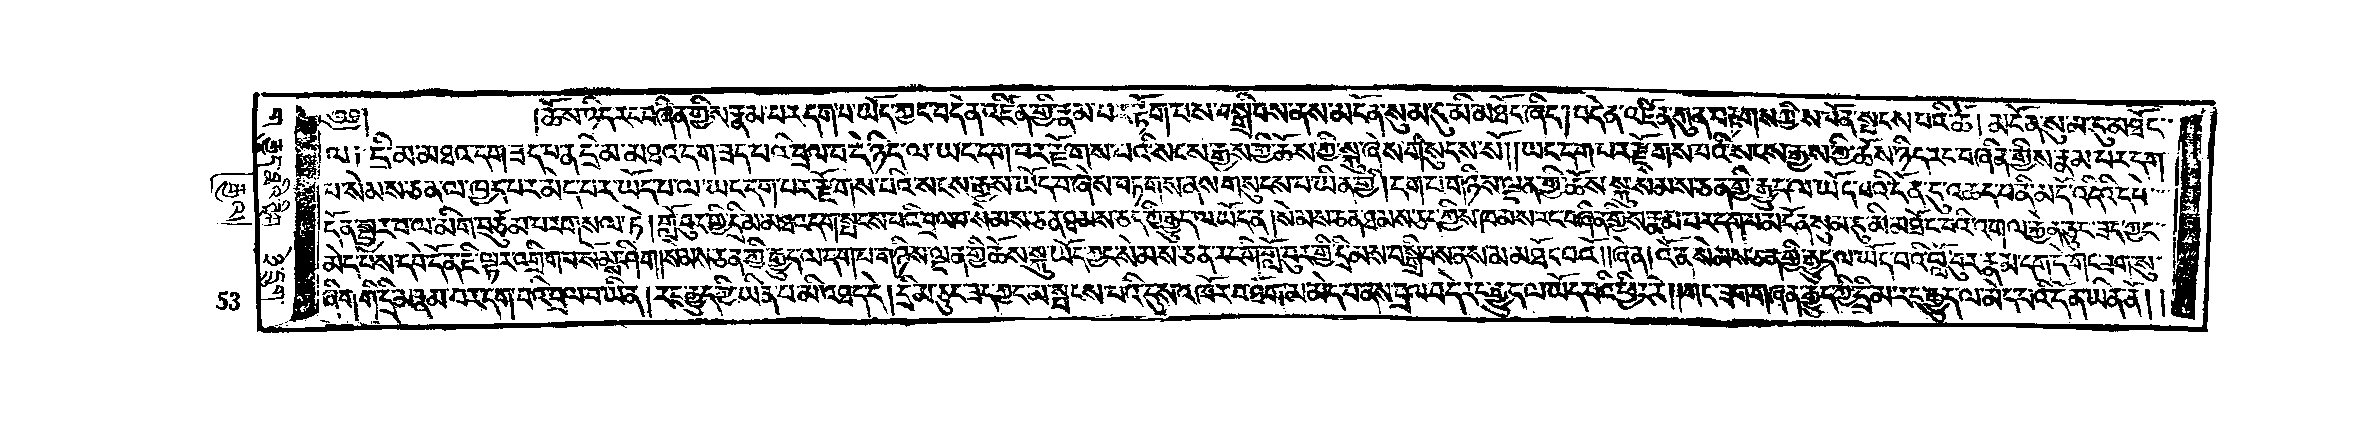༄༅། །ཆོས་ཉིད་རང་བཞིན་གྱིས་རྣམ་པར་དག་པ་ཡོད་ཀྱང་བདེན་འཛིན་གྱི་རྣམ་པར་རྟོག་པས་བསྒྲིབས་ནས་མངོན་སུམ་དུ་མི་མཐོང་ཞིང་། བདེན་འཛིན་ཀུན་བརྟགས་ཀྱི་ས་བོན་སྤངས་པའི་ཚེ། མངོན་སུམ་དུ་མཐོང་
ལ༑ དྲི་མ་མཐའ་དག་ཟད་པ་ན་དྲི་མ་མཐའ་དག་ཟད་པའི་བྲལ་བ་དེ་ཉིད་ལ་ཡང་དག་པར་རྫོགས་པའི་སངས་རྒྱས་ཀྱི་ཆོས་ཀྱི་སྐུ་ཞེས་གི་གསུངས་སོ། །ཡང་དག་པར་རྫོགས་པའི་སངས་རྒྱས་ཀྱི་ཆོས་ཉིད་རང་བཞིན་གྱིས་རྣམ་པར་དག་
པ་སེམས་ཅན་ལ་ཁྱད་པར་མེད་པར་ཡོད་པ་ལ་ཡང་དག་པར་རྫོགས་པའི་སངས་རྒྱས་ཡོད་པ་ཞེས་བཏགས་ནས་གསུངས་པ་ཡིན་གྱི་།དག་པ་གཉིས་ལྡན་གྱི་ཆོས་སྐུ་སེམས་ཅན་གྱི་རྒྱུད་ལ་ཡོད་པའི་དོན་དུ་འཆད་པ་ནི་མདོ་འདིའི་དཔེ་
དོན་སྦྱར་བ་ལ་མིག་བཙུམ་པར་གསལ་ཏེ། གློ་བུར་གྱི་དྲི་མ་མཐའ་དག་སྤངས་པའི་བྲལ་བ་སེམས་ཅན་ཐམས་ཅད་ཀྱི་རྒྱུད་ལ་ཡོད་ན། སེམས་ཅན་ཐམས་ཅད་ཀྱིས་ཁམས་རང་བཞིན་གྱིས་རྣམ་པར་དག་པ་མངོན་སུམ་དུ་མི་མཐོང་བའི་འགལ་རྐྱེན་ཅུང་ཟད་ཀྱང་
མེད་པས་དཔེ་དོན་ཇི་ལྟར་འགྲིག་པ་སོམས་ཤིག །སེམས་ཅན་གྱི་རྒྱུད་ལ་དག་པ་གཉིས་ལྡན་གྱི་ཆོས་སྐུ་ཡོད་ཀྱང་སེམས་ཅན་རང་གི་གློ་བུར་གྱི་དྲི་མས་བསྒྲིབས་ནས་མ་མཐོང་བའོ། །ཞེ་ན། འོ་ན་སེམས་ཅན་གྱི་རྒྱུད་ལ་ཡོད་པའི་བློ་བུར་རྣམ་དག་དེ་གང་ཟག་སུ་
ཞིག་གི་དྲི་མ་རྣམ་པར་དག་པའི་བྲལ་བ་ཡིན། རང་རྒྱུད་ཀྱི་ཡིན་པ་མི་འཐད་དེ། དྲི་མ་ཅུང་ཟད་ཀྱང་མ་སྤངས་པའི་དུས་འཁོར་བ་ཐོག་མ་མེད་པ་ནས་བྲལ་བ་དེ་རང་རྒྱུད་ལ་ཡོད་པའི་ཕྱིར་རོ། །གང་ཟག་གཞན་རྒྱུད་ཀྱི་དྲི་མ་རང་རྒྱུད་ལ་མེད་པའི་དོན་ཡིན་ནོ། །